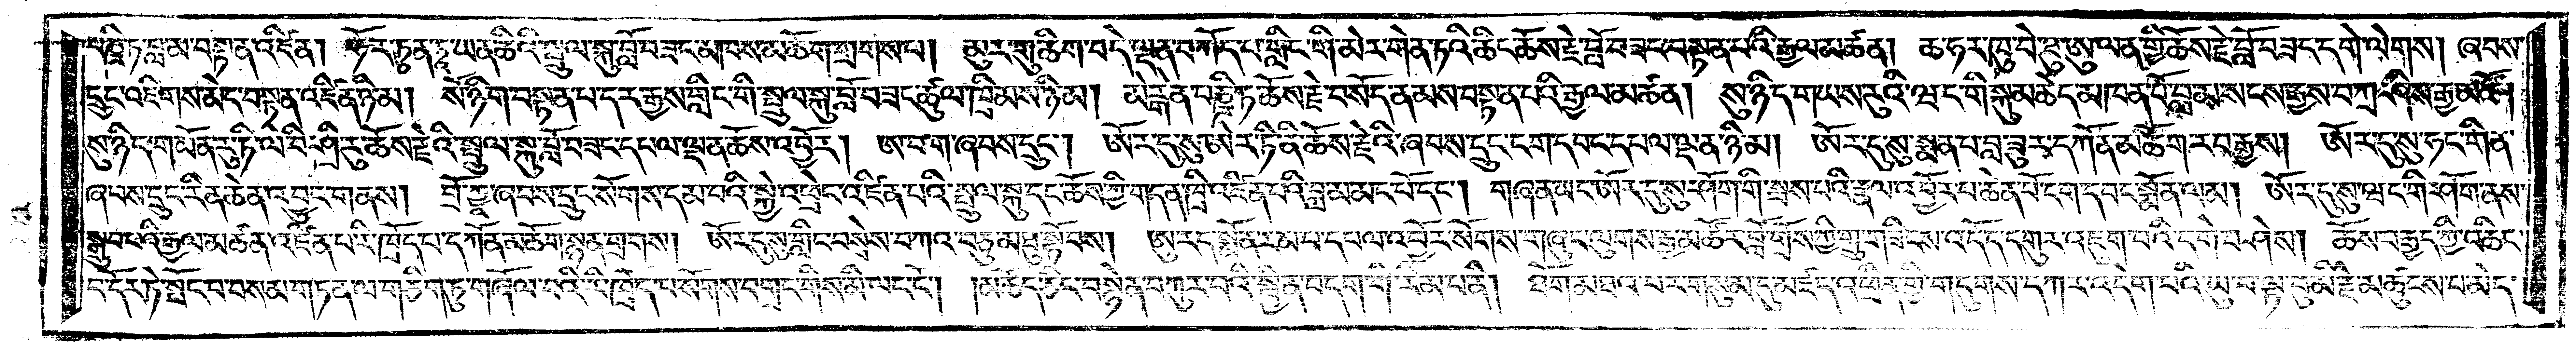པཎྜི་ཏ་བླ་བསྟན་འཛིན། ཧོར་ཏུན་ཏྲ་ཡན་ཆིའི་སྦྲུལ་སྐུ་བློ་བཟང་མཁས་མཆོད་གྲགས་པ། མུར་གུ་ཆིག་བདེ་ལྡན་བཀོད་པ་གླུང་གེ་མེར་གེན་ཏའི་ཆིང་ཆོས་རྗེ་བློ་བཟང་བསྟན་པའི་རྒྱལ་མཚན། ཆ་ཧར་ཁུ་བེ་ཐུ་ཨུ་ལན་གྱི་ཆོས་རྗེ་བློ་བཟང་དགེ་ལེགས། ཞབས་
དྲུང་འཇིགས་མེད་བསྟན་འཛིན་ཉི་མ། སོ་ཉིག་བསྟན་པ་དར་རྒྱས་གླིང་གི་སྤྲུལ་སྐུ་བློ་བཟང་ཚུལ་ཁྲིམས་ཉི་མ། མེརྒེན་པཌྞི་ཏ་ཆོས་རྗེ་བསོད་ནམས་བསྟན་པའི་རྒྱལ་མཚན། སུ་ཉིད་གཡས་རུའི་ཝང་གི་སྐུ་མཆེད་མཁན་པོ་བླ་མ་སངས་རྒྱས་བཀྲ་ཤིས་རྒྱ་མཚོ།
སུ་ཉིད་གཡོན་རུ་ཏི་ལེ་བི་ཤྲི་རུ་ཆོས་རྗེའི་སྤྲུལ་སྐུ་བློ་བཟང་དཔལ་ལྡན་ཆོས་འབྱོར། ཨ་བག་ཞབས་དྲུང་། ཨོར་དུ་སུ་ཨེར་ཏི་ནི་ཆོས་རྗེའི་ཞབས་དྲུང་ངག་དབང་དཔལ་ལྡན་ཉི་མ། ཨོར་དུ་སུ་སྨན་པ་བླ་ཟུར་དཀོན་མཆོག་རབ་རྒྱས། ཨོར་དུ་སུ་ཧང་གིན་
ཞབས་དྲུང་རིན་ཆེན་འབྱུང་གནས། གྲོ་ཀྱའ་ཞབས་དྲུང་སོགས་དམ་པའི་སྐྱེ་འཕྲེང་འཛིན་པའི་སྤྲུལ་སྐུ་དང་ཆོས་ཀྱི་གདན་ཁྲི་འཛིན་པའི་བླ་མ་མང་པོ་དང་། གཞན་ཡང་ཨོར་དུ་སུ་ཤོག་གི་སྦས་པའི་རྣལ་འབྱོར་པ་ཆེན་པོ་ངག་དབང་སྨོན་ལམ། ཨོར་དུ་སུ་ཐང་གི་ཤོག་ནས་
སྒྲུབ་པའི་རྒྱལ་མཚན་འཛིན་པ་རི་ཁྲོད་པ་དཀོན་མཆོག་སྙན་གྲགས། ཨོར་དུ་སུ་གླིང་བསྲེས་བཀའ་བཅུ་མཐུ་སྟོབས། ཨུ་རད་སྨོན་རམ་པ་དབལ་འབྱོར་སོགས་གཞུང་ལུགས་རྒྱ་མ་ཚོར་བློ་གྲོས་ཀྱི་གྲུབ་གཟིངས་འདོད་དགུར་འཇུག་པའི་དགེ་བཤེས། ཆོས་བརྒྱད་ཀྱི་མཆིང་
བ་དོར་ཏེ་སྤོང་བ་བསམ་གཏན་ལ་གཅིག་ཏུ་གཞོལ་བའི་རི་ཁྲོད་པ་སོགས་བགྲང་གིས་མི་ལང་ངོ། །མཆོད་ཅིང་བསྙེན་བཀུར་བའི་སྤྱིན་བདག་གི་རིམ་པ་ནི། ཐོག་མཐའ་བར་གསུམ་དུ་མཛད་འཕྲིན་གྱི་གདུགས་དཀར་འདེག་པའི་ཡུ་བ་ལྟ་བུ་མི་རྗེ་མཚུངས་པ་མེད་